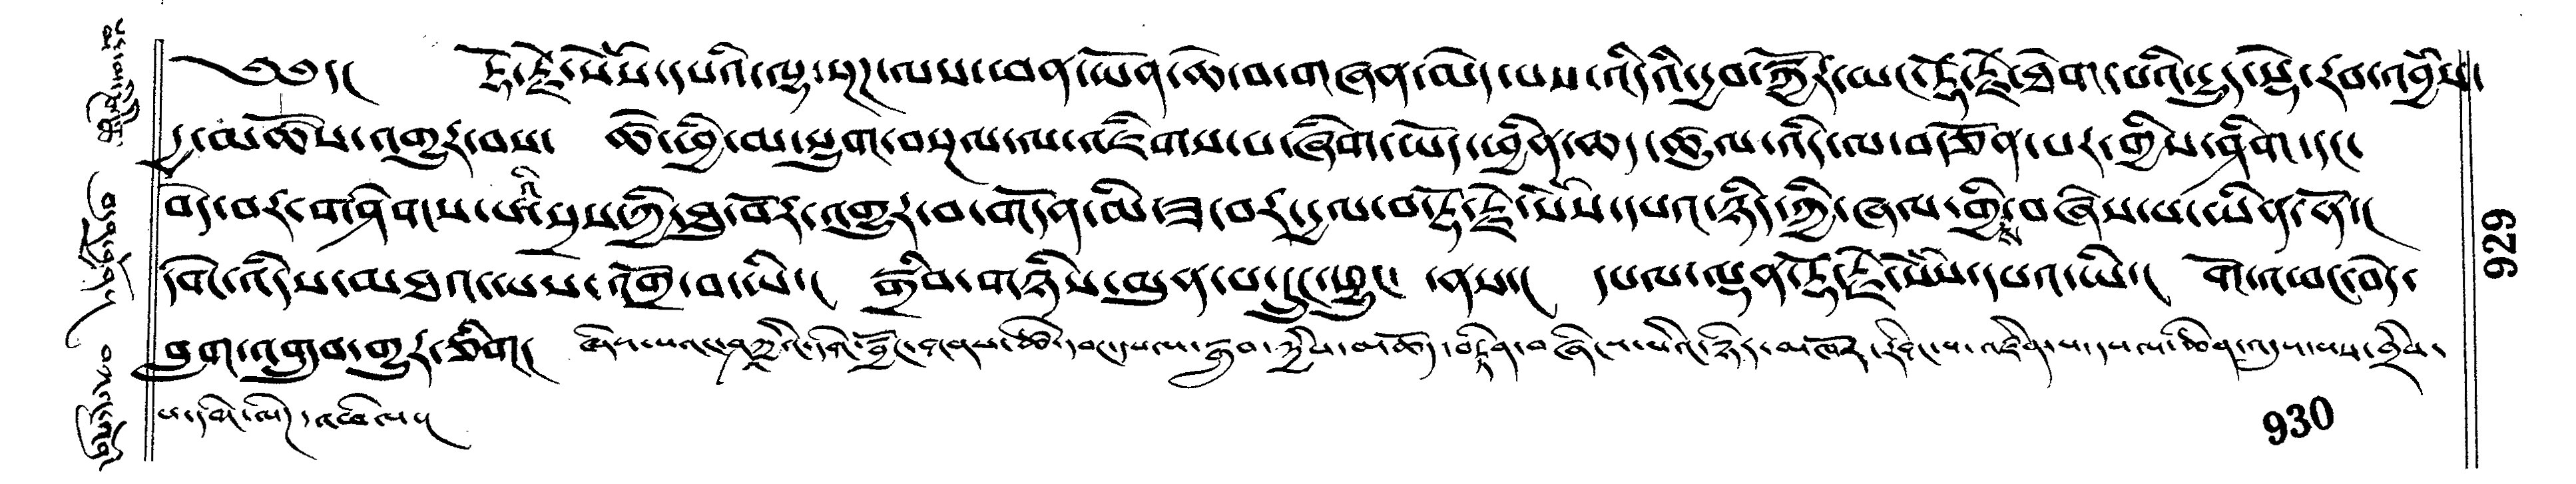རྡོ་རྗེ་སེམས་དཔའི་ལྷ་སྔགས་ལས་ཕན་ཡོན་ཆེ་བ་གཞན་མེད་པས་འདིའི་རྒྱབ་སྐྱོར་ཡང་རྡོ་རྗེ་ཐེག་པའི་རྒྱུད་སྡེ་རབ་འབྱམས་
རྒྱ་མཚོས་འགྱུར་བས། ཚེ་ཕྱི་མ་སྡུག་བསྔལ་ལ་འཇིགས་པ་ཞིག་ཡོད་ཕྱིན་ཆད་ཚུལ་འདི་ལ་བརྩོན་པར་གྱིས་ཤིག་དང་། 
བདེ་བར་གཤེགས་པའི་སྲས་ཀྱི་ཐུ་བོར་འགྱུར་བ་གདོན་མི་ཟ་བར་རྒྱལ་བ་རྡོ་རྗེ་སེམས་དཔའ་ཉིད་ཀྱི་ཞལ་གྱིས་བཞེས་པ་ཡིན་ནོ། 
དགེ་འདིས་མཐའ་ཡས་འགྲོ་བ་ཡི། །སྒྲིབ་གཉིས་མུན་པ་དྲུང་ཕྱུང་ནས། །དཔལ་ལྡན་རྡོ་རྗེ་སེམས་དཔའ་ཡི། །གོ་འཕང་བདེ་
བླག་འགྲུབ་གྱུར་ཅིག ཞེས་པའང་ཤཱཀྱའི་དགེ་སྦྱོང་ཉེ་གནས་ཚེ་དབང་དཔལ་སྒྲུབ་ཀྱི་མཆོད་རྟེན་བཞེངས་པའི་ཉེར་མཁོར་རིག་པ་འཛིན་པ་དཔལ་ཆེན་འདུས་པས་བྲིས་
པ་དགེ་ལེགས་འཕེལ།།